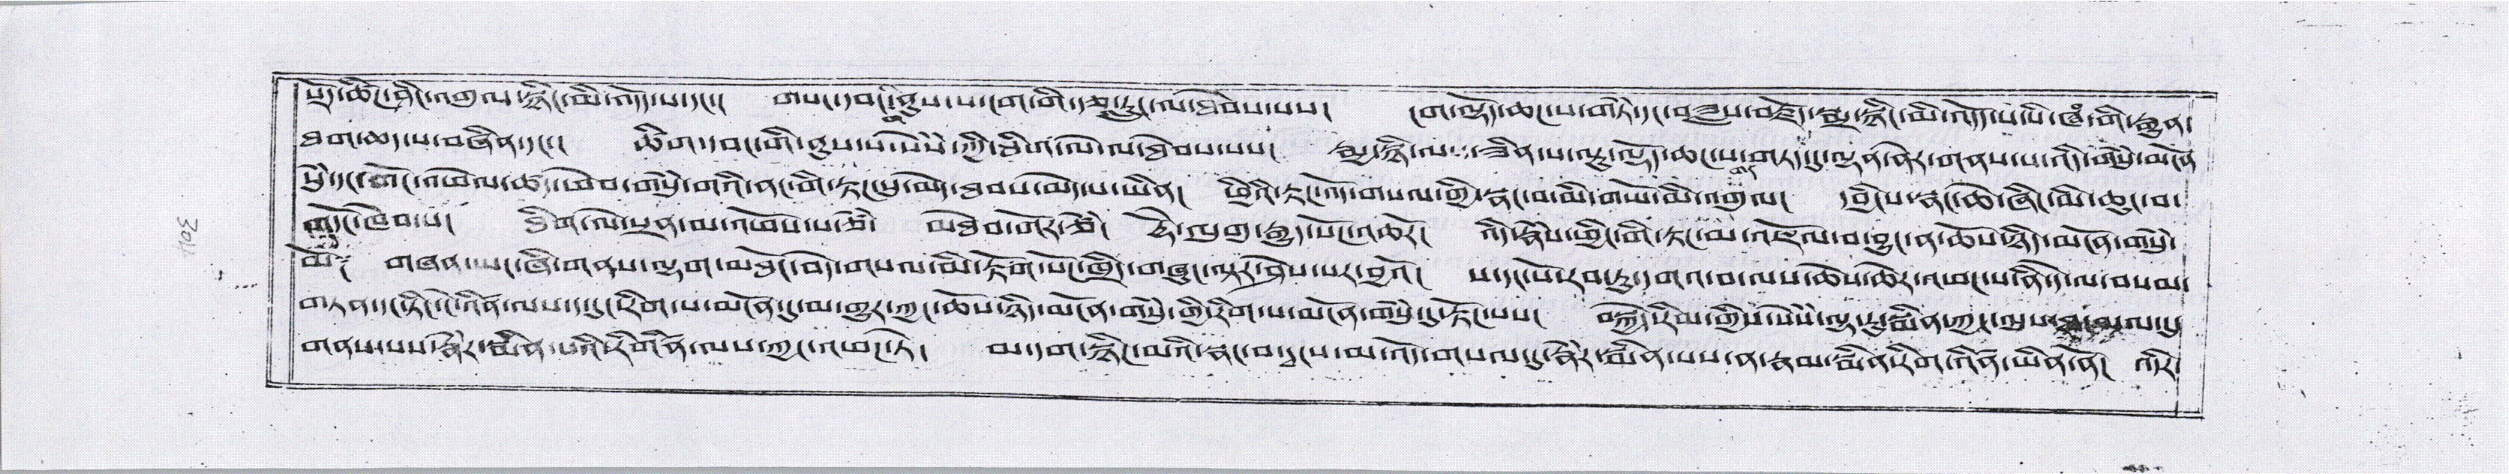སྡོད་ཚིགས་ཤིང་འགུལ་སྙིང་མི་འདོད་པ་དང། གསང་དབང་གི་ནུས་པ་ངག་གི་རྩ་རླུང་ལ་ཐེབས་པས། ངག་ལྷོད་ཆགས་པ་གཏམ་དང་བཟླས་བརྗོད་སྨྲ་སྙིང་མི་འདོད་པ་པི་ཝཾ་གི་རྒྱུན་
ཐག་ཆད་པ་བཞིན་དང། ཚིག་དབང་གི་ནུས་པ་སེམས་ཀྱི་ཐིག་ལེ་ལ་ཐེབས་པས། རྨ་བྱ་སྙིང་ལས་ཟིན་པ་ལྟ་བུ་ལྷོད་ཆགས་པ་གར་གཏད་དུ་ལྷན་ནེར་གནས་པ་འདི་གསུམ་མངོན་
སུམ་དང་གོང་འཕེལ་ཚད་ཕེབ་གསུམ་གའི་ནང་གི་རྟགས་སུ་མེད་ཐབས་མེད་པ་ཡིན། ཕྱིའི་རྟགས་འོད་གསལ་གྱི་སྣང་བ་མི་གཡོ་མི་འགུལ། དབྱིངས་སྣང་ཆེ་ཞིང་མི་ཆུང་བ་
གདོང་ཁེབ་པ། ཐིག་ལེ་སྲན་མ་འཕོས་པ་ཙམ། མཐེབ་གོར་ཙམ། རྡོ་རྗེ་ལུ་གུ་རྒྱུད་སོགས་འཆར་རོ། འདི་རྣམས་ཕྱི་ནང་གི་རྟགས་མ་འཛོལ་བ་བྱུང་ན་ཆོས་ཉིད་མངོན་གསུམ་
མོ། གཞན་ཡང་ཞི་གནས་ལྷག་མཐོང་བདེ་གསལ་མི་རྟོག་སོགས་ཁྲིད་གཞུང་ལྟར་ཤེས་པར་བྱའོ། ས་དང་པོ་རབ་ཏུ་དགའ་བ་ལས་ཆེས་ཆེར་འཕགས་པ་ནི་དེ་ལ་བསམ་
གཏན་དང་ཏིང་ངེ་འཛིན་ལས་ད་དུང་རིག་པ་མངོན་དུ་མ་གྱུར་ཀྱང་ཆོས་ཉིད་མངོན་གསུམ་གྱི་རིག་པ་མངོན་གསུམ་དུ་རྟོགས་པས། བསྐྱེད་རིམ་གྱིས་སེམས་ལྷ་རུ་སྨིན་ཀྱང་ལུས་ཐ་མལ་དུ་
གནས་པས་རྣམ་པར་སྨིན་པའི་རིག་འཛིན་ལས་ཀྱང་འཕགས་ཏེ། མ་དག་སྙིགས་མའི་སྣང་བ་དྭངས་མ་འོད་གསལ་དུ་རྣམ་པར་སྨིན་པས་ན་རྣམ་སྨིན་རིག་འཛིན་ཡིན་ནོ། འདིར་